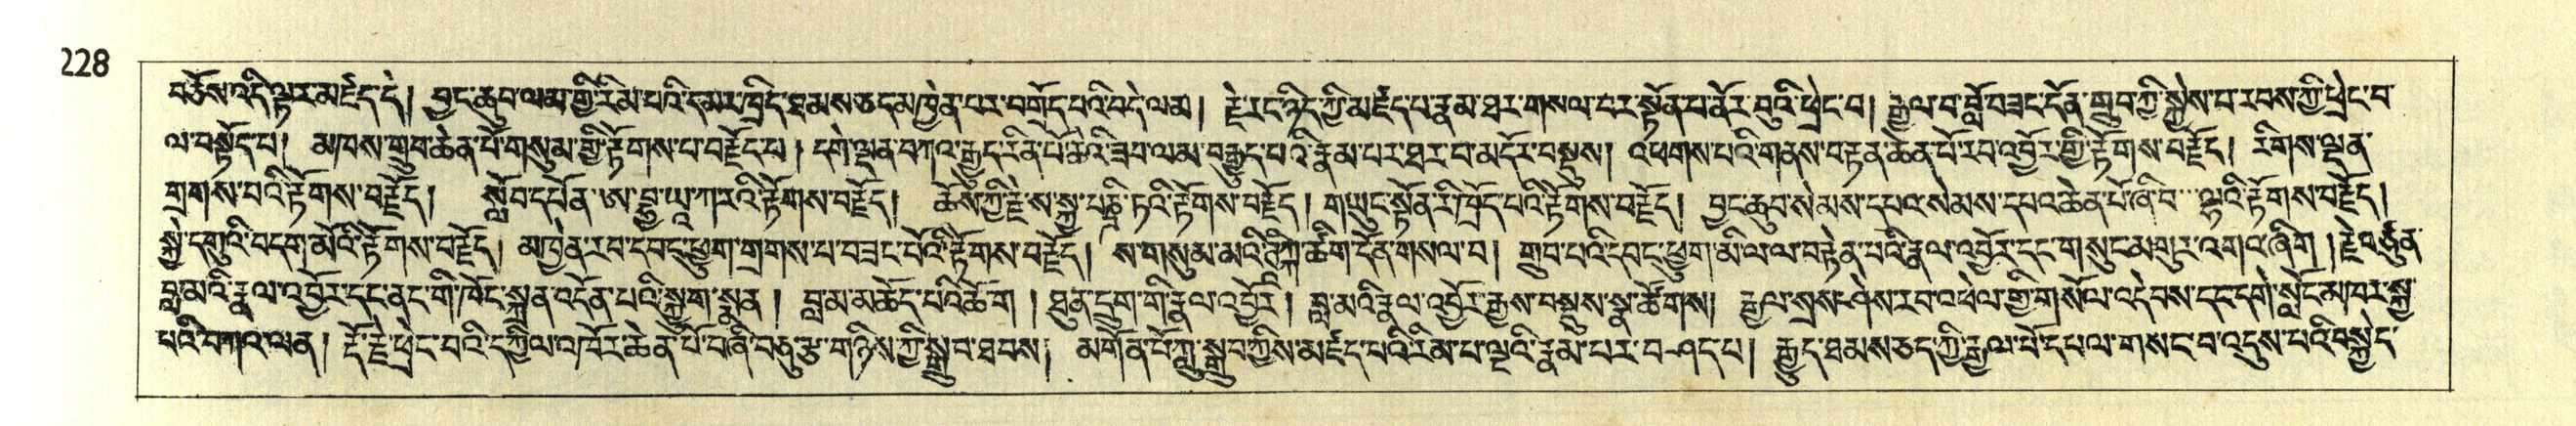བཅོས་འདི་ལྟར་མཛད་དེ། བྱང་ཆུབ་ལམ་གྱི་རིམ་པའི་དམར་ཁྲིད་ཐམས་ཅད་མཁྱེན་པར་བགྲོད་པའི་བདེ་ལམ། རྗེ་རང་ཉིད་ཀྱི་མཛད་པ་རྣམ་ཐར་གསལ་བར་སྟོན་པ་ནོར་བུའི་ཕྲེང་བ། རྒྱལ་བ་བློ་བཟང་དོན་གྲུབ་ཀྱི་སྐྱེས་པ་རབས་ཀྱི་ཕྲེང་བ་
ལ་བསྟོད་པ། མཁས་གྲུབ་ཆེན་པོ་གསུམ་གྱི་རྟོགས་པ་བརྗོད་པ། དགེ་ལྡན་བཀའ་རྒྱུད་རིན་པོ་ཆེའི་ཟབ་ལམ་བརྒྱུད་པའི་རྣམ་པར་ཐར་པ་མདོར་བསྡུས། འཕགས་པའི་གནས་བརྟན་ཆེན་པོ་རབ་འབྱོར་གྱི་རྟོགས་བརྗོད། རིགས་ལྡན་
གྲགས་པའི་རྟོགས་བརྗོད། སློབ་དཔོན་ཨ་བྷྱ་ཡཱ་ཀ་རའི་རྟོགས་བརྗོད། ཆོས་ཀྱི་རྗེ་ས་སྐྱ་པཎྜི་ཏའི་རྟོགས་བརྗོད། གཡུང་སྟོན་རི་ཁྲོད་པའི་རྟོགས་བརྗོད། བྱང་ཆུབ་སེམས་དཔའ་སེམས་དཔའ་ཆེན་པོ་ཞི་བ་ལྷའི་རྟོགས་བརྗོད།
སྐྱེ་དགུའི་བདག་མོའི་རྟོགས་བརྗོད། མཁྱེན་རབ་དབང་ཕྱུག་གྲགས་པ་བཟང་པོའི་རྟོགས་བརྗོད། ས་གསུམ་མའི་ཊཱིཀྐ་ཚིག་དོན་གསལ་བ། གྲུབ་པའི་དབང་ཕྱུག་མི་ལ་ལ་བརྟེན་པའི་རྣལ་འབྱོར་དང་གསུང་མགུར་འགའ་ཞིག །རྗེ་བཙུན་
བླ་མའི་རྣལ་འབྱོར་དང་ནང་གི་ཁོང་སྐྲན་འདོན་པའི་སྐྱུག་སྨན། བླ་མ་མཆོད་པའི་ཆོ་ག །ཐུན་དྲུག་གི་རྣལ་འབྱོར། བླ་མའི་རྣལ་འབྱོར་རྒྱས་བསྡུས་སྣ་ཚོགས། རྒྱལ་སྲས་ཤེས་རབ་འཕེལ་གྱི་གསོལ་འདེབས་དང་དགེ་སློང་མཁར་སྐྱ་
པའི་བཀའ་ལན། རྡོ་རྗེ་ཕྲེང་བའི་དཀྱིལ་འཁོར་ཆེན་པོ་བཞི་བཅུ་རྩ་གཉིས་ཀྱི་སྒྲུབ་ཐབས། མགོན་པོ་ཀླུ་སྒྲུབ་ཀྱིས་མཛད་པའི་རིམ་པ་ལྔའི་རྣམ་པར་བཤད་པ། རྒྱུད་ཐམས་ཅད་ཀྱི་རྒྱལ་པོ་དཔལ་གསང་བ་འདུས་པའི་བསྐྱེད་